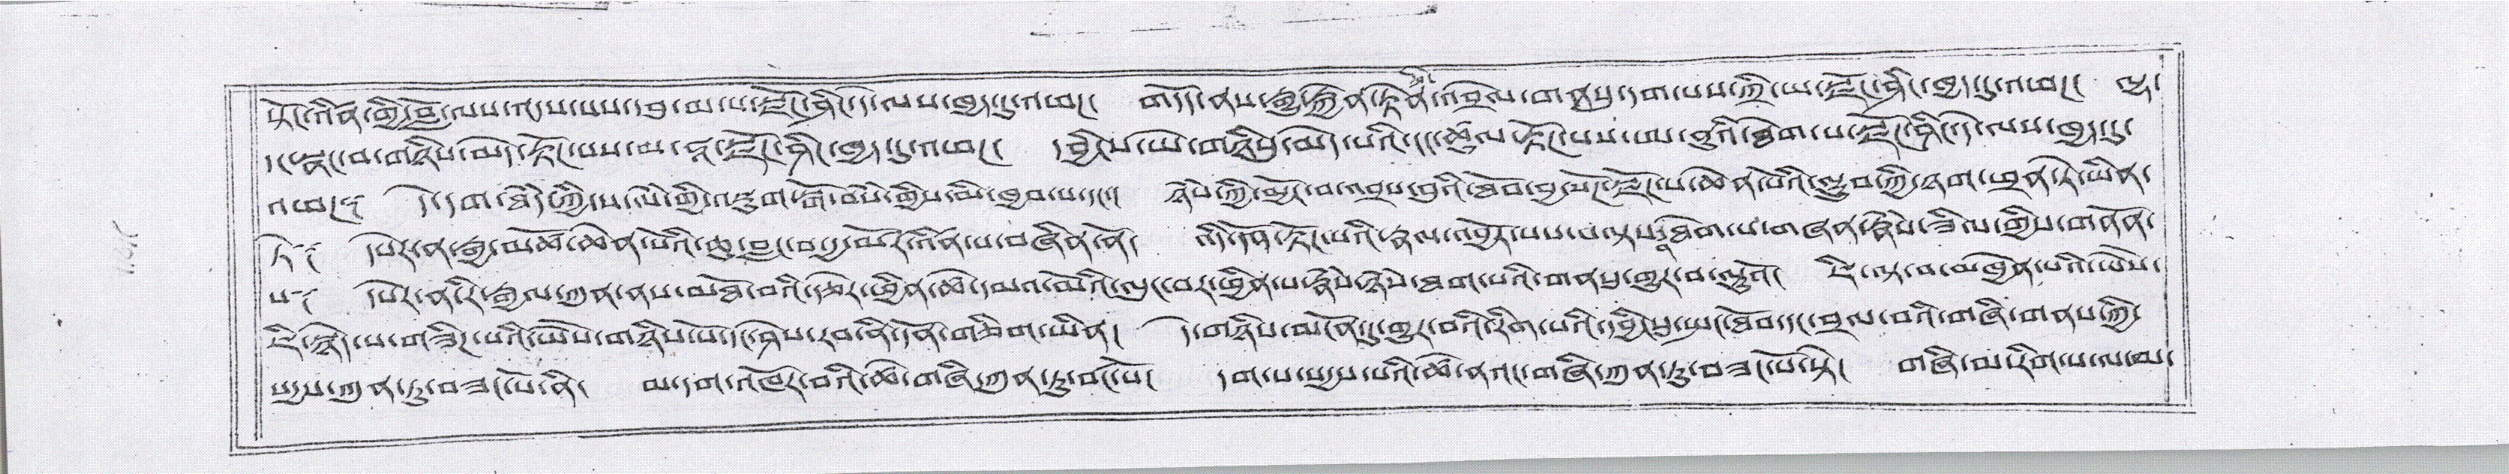སྟོང་འཛིན་གྱི་བློ་ལས་འདས་པས་དབུ་མ་པ་རྫོགས་ཤིང་དེ་ལས་ཁྱད་དུ་འཕགས། གདོད་ནས་རྒྱུ་རྐྱེན་རྟེན་ཅིང་འབྲེལ་གནས་སུ་དག་པས་ཀྲི་ཡ་རྫོགས་ཤིང་ཁྱད་དུ་འཕགས། ལྷ་
དང་སྣང་བ་གཉིས་མེད་རྟོགས་པས་མ་ཧཱ་རྫོགས་ཤིང་ཁྱད་དུ་འཕགས། དབྱིངས་ཡེ་གཉིས་སུ་མེད་པའི་ངང་ཚུལ་རྟོགས་པས་ཨ་ནུའི་ཐེག་པ་རྫོགས་ཤིང་དེ་ལས་ཁྱད་དུ་
འཕགས། དེ་དག་ཐམས་ཅད་ཀྱི་ས་ལམ་གྱི་འཇུག་སྒོ་བསམ་གྱིས་མི་ཁྱབ་པ་དང་། ཉམས་ཀྱི་མྱོང་བ་འབྲས་བུའི་ཐོབ་བྱ་སོགས་རྫོགས་པ་ཆེན་པོའི་ལྷུན་གྲུབ་ཀྱི་ཉག་ཕྲན་ཏེ་ཡིན་
ཏེ། དཔེར་ན་རྒྱ་མཚོ་ཆེན་པོའི་ཆུ་བླང་བ་རྒྱ་མཚོར་འཛིན་པ་བཞིན་ནོ། འདི་དོན་རྟོགས་པའི་རྣལ་འབྱོར་བས་བལྟས་ན་ཐེག་པ་གཞན་རྣམས་ཟིལ་གྱིས་གནོན་
པ། དཔེར་ན་རི་རྒྱལ་ཀུན་ནས་མཐོ་བའི་རྩེར་ཕྱིན་ཚེ་དམའ་མོའི་ལུང་པར་ཕྱིན་པ་རྣམས་ཉམས་ཐག་པའི་གནས་སུ་གྱུར་པ་ལྟ་བུའོ། ཇི་ལྟ་བ་མཁྱེན་པའི་ཡེ་ཤེས་
ཇི་སྙེད་པ་གཟིགས་པའི་ཡེ་ཤེས་གཉིས་པོ་དང་ཤེས་རབ་ནི་དོན་གཅིག་ཡིན། དེ་གཉིས་མངོན་དུ་གྱུར་པའི་རིག་པའི་དབྱིངས་སྤང་ཐོབ་དང་བྲལ་བའི་གཞི་གནས་ཀྱི་
སངས་རྒྱས་ཀུན་ཏུ་བཟང་པོ་ནི། མ་དག་འཁོར་བའི་ཚེ་གཞི་ཀུན་ཏུ་བཟང་པོ། དག་པ་སངས་རྒྱས་པའི་ཚེ་ནའང་གཞི་ཀུན་ཏུ་བཟང་པོ་སྟེ། གཞི་མ་རིག་པ་ལ་